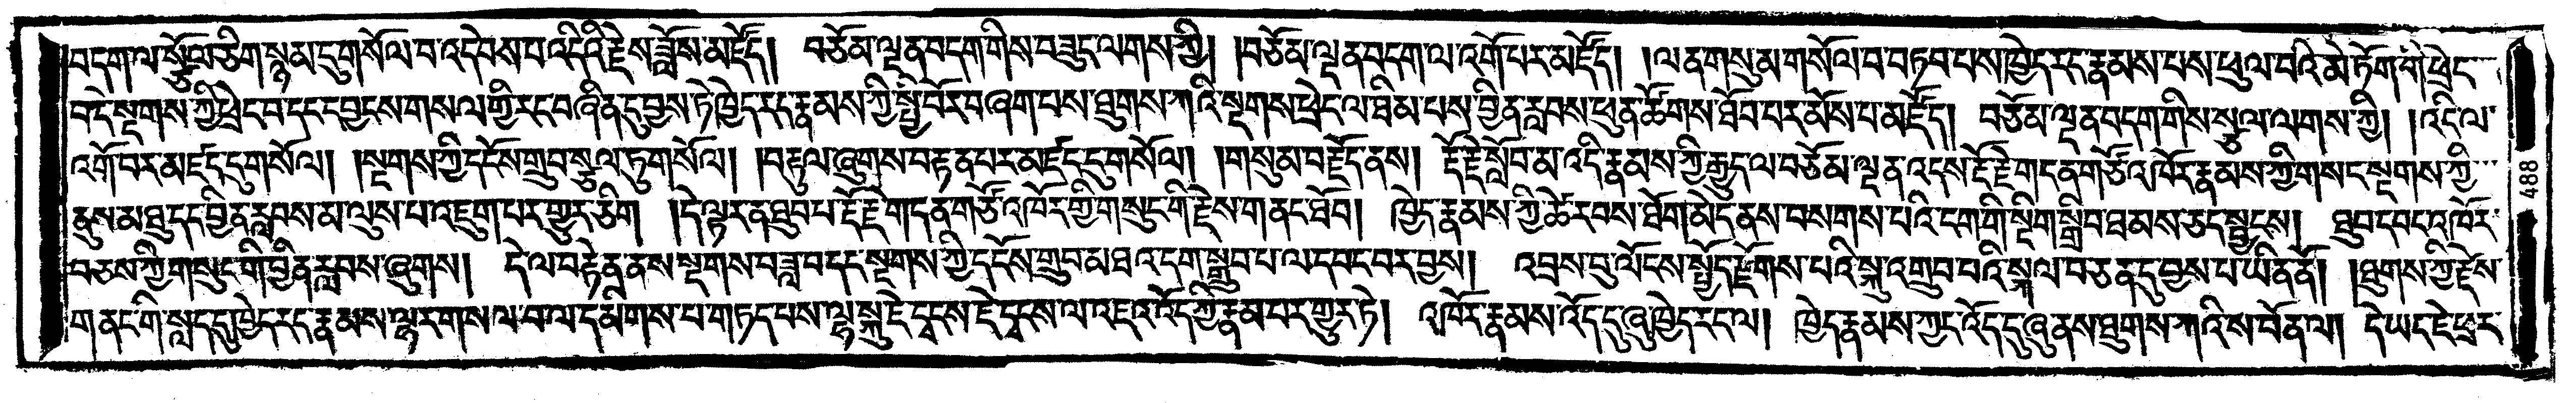བདག་ལ་སྩོལ་ཅིག་སྙམ་དུ་གསོལ་བ་འདེབས་པ་འདིའི་རྗེས་ཟློས་མཛོད། བཅོམ་ལྡན་བདག་གིས་བཟུང་ལགས་ཀྱི། །བཅོམ་ལྡན་བདག་ལ་འགོ་པར་མཛོད། །ལན་གསུམ་གསོལ་བ་བཏབ་པས་ཁྱེད་རང་རྣམས་པས་ཕུལ་བའི་མེ་ཏོག་གི་ཕྲེང་
བ་དེ་སྔགས་ཀྱི་ཕྲེང་བ་དང་དབྱངས་གསལ་གྱི་རང་བཞིན་དུ་བྱས་ཏེ་ཁྱེད་རང་རྣམས་ཀྱི་སྤྱི་བོར་བཞག་པས་ཐུགས་ཀའི་སྔགས་ཕྲེང་ལ་ཐིམ་པས་བྱིན་རླབས་ཕུན་ཚོགས་ཐོབ་པར་མོས་པ་མཛོད། བཅོམ་ལྡན་བདག་གིས་སྩལ་ལགས་ཀྱི། །འདི་ལ་
འགོ་བར་མཛད་དུ་གསོལ། །སྔགས་ཀྱི་དངོས་གྲུབ་སྩལ་ཏུ་གསོལ། །བརྟུལ་ཞུགས་བརྟན་པར་མཛད་དུ་གསོལ། །གསུམ་བརྗོད་ནས། རྡོ་རྗེ་སློབ་མ་འདི་རྣམས་ཀྱི་རྒྱུད་ལ་བཅོམ་ལྡན་འདས་རྡོ་རྗེ་གདན་གཙོ་འཁོར་རྣམས་ཀྱི་གསང་སྔགས་ཀྱི་
ནུས་མཐུ་དང་བྱིན་རླབས་མ་ལུས་པ་འཇུག་པར་གྱུར་ཅིག །དེ་ལྟར་ན་ཐུབ་པ་རྡོ་རྗེ་གདན་གཙོ་འཁོར་གྱི་གསུང་གི་རྗེས་གནང་ཐོབ། ཁྱེད་རྣམས་ཀྱི་ཚེ་རབས་ཐོག་མེད་ནས་བསགས་པའི་ངག་གི་སྡིག་སྒྲིབ་ཐམས་ཅད་སྦྱངས། ཐུབ་དབང་འཁོར་
བཅས་ཀྱི་གསུང་གི་བྱིན་རླབས་ཞུགས། དེ་ལ་བརྟེན་ནས་སྔགས་བ་ཟླ་བ་དང་སྔགས་ཀྱི་དངོས་གྲུབ་མཐའ་དག་སྒྲུབ་པ་ལ་དབང་བར་བྱས། འབྲས་བུ་ལོངས་སྤྱོད་རྫོགས་པའི་སྐུ་འགྲུབ་པའི་སྐལ་བ་ཅན་དུ་བྱས་པ་ཡིན་ནོ། །ཐུགས་ཀྱི་རྫེས་
གནང་གི་སླད་དུ་ཁྱེད་རང་རྣམས་ལྷར་གསལ་བ་ལ་དམིགས་པ་གཏད་པས་ལྷ་སྐུ་ཇེ་དྭངས་ཇེ་དྭངས་ལ་འཇའ་འོད་ཀྱི་རྣམ་པར་གྱུར་ཏེ། འཁོར་རྣམས་འོད་དུ་ཞུ་ཁྱེད་རང་ལ། ཁྱེད་རྣམས་ཀྱང་འོད་དུ་ཞུ་ནས་ཐུགས་ཀའི་ས་བོན་ལ། དེ་ཡང་ཇེ་ཕྲར་